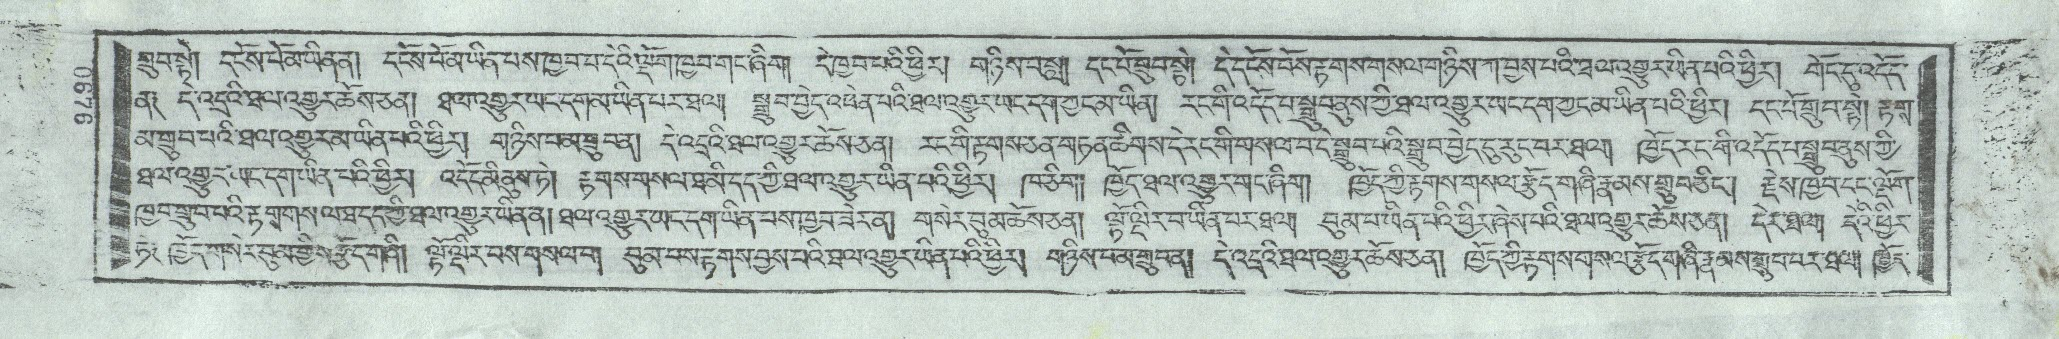གྲུབ་སྟེ། དངོས་པོ་མ་ཡིན་ན། དངོས་པོ་མ་ཡིན་པས་ཁྱབ་པ་དེའི་ལྡོག་ཁྱབ་གང་ཞིག། དེ་ཁྱབ་པའི་ཕྱིར། གཉིས་པ་སླ། དང་པོ་གྲུབ་སྟེ། དེ་དངོས་པོས་རྟགས་གསལ་གཉིས་ཀ་བྱས་པའི་ཐལ་འགྱུར་ཡིན་པའི་ཕྱིར། གོང་དུ་འདོད་
ན༑ དེ་འདྲའི་ཐལ་འགྱུར་ཆོས་ཅན། ཐལ་འགྱུར་ཡང་དག་མ་ཡིན་པར་ཐལ། སྒྲུབ་བྱེད་འཕེན་པའི་ཐལ་འགྱུར་ཡང་དག་ཀྱང་མ་ཡིན། རང་གི་འདོད་པ་སྒྲུབ་ནུས་ཀྱི་ཐལ་འགྱུར་ཡང་དག་ཀྱང་མ་ཡིན་པའི་ཕྱིར། དང་པོ་གྲུབ་སྟེ། རྟགས་
མ་གྲུབ་པའི་ཐལ་འགྱུར་མ་ཡིན་པའི་ཕྱིར། གཉིས་པ་མ་གྲུབ་ན། དེ་འདྲའི་ཐལ་འགྱུར་ཆོས་ཅན། རང་གི་རྟགས་ཅན་གཏན་ཚིགས་དེ་རང་གི་གསལ་བ་དེ་སྒྲུབ་པའི་སྒྲུབ་བྱེད་དུ་རུང་བར་ཐལ། ཁྱོད་རང་གི་འདོད་པ་སྒྲུབ་ནུས་ཀྱི་
ཐལ་འགྱུར་ཡང་དག་ཡིན་པའི་ཕྱིར། འདོད་མི་ནུས་ཏེ། རྟགས་གསལ་ཐ་མི་དད་ཀྱི་ཐལ་འགྱུར་ཡིན་པའི་ཕྱིར། ཁ་ཅིག། ཁྱོད་ཐལ་འགྱུར་གང་ཞིག། ཁྱོད་ཀྱི་རྟགས་གསལ་རྩོད་གཞི་རྣམས་གྲུབ་ཅིང་། རྗེས་ཁྱབ་དང་ལྡོག་
ཁྱབ་གྲུབ་པའི་རྟག་གསལ་ཐ་དད་ཀྱི་ཐལ་འགྱུར་ཡིན་ན། ཐལ་འགྱུར་ཡང་དག་ཡིན་པས་ཁྱབ་ཟེར་ན། གསེར་བུམ་ཆོས་ཅན། ལྟོ་ལྡིར་བ་ཡིན་པར་ཐལ། བུམ་པ་ཡིན་པའི་ཕྱིར་ཞེས་པའི་ཐལ་འགྱུར་ཆོས་ཅན། དེར་ཐལ། དེའི་ཕྱིར་
ཏེ༑ ཁྱོད་གསེར་བུམ་གྱིས་རྩོད་གཞི། ལྟོ་ལྡིར་བས་གསལ་བ། བུམ་པས་རྟགས་བྱས་པའི་ཐལ་འགྱུར་ཡིན་པའི་ཕྱིར། གཉིས་པ་མ་གྲུབ་ན། དེ་འདྲའི་ཐལ་འགྱུར་ཆོས་ཅན། ཁྱོད་ཀྱི་རྟགས་གསལ་རྩོད་གཞི་རྣམས་གྲུབ་བར་ཐལ། ཁྱོད་